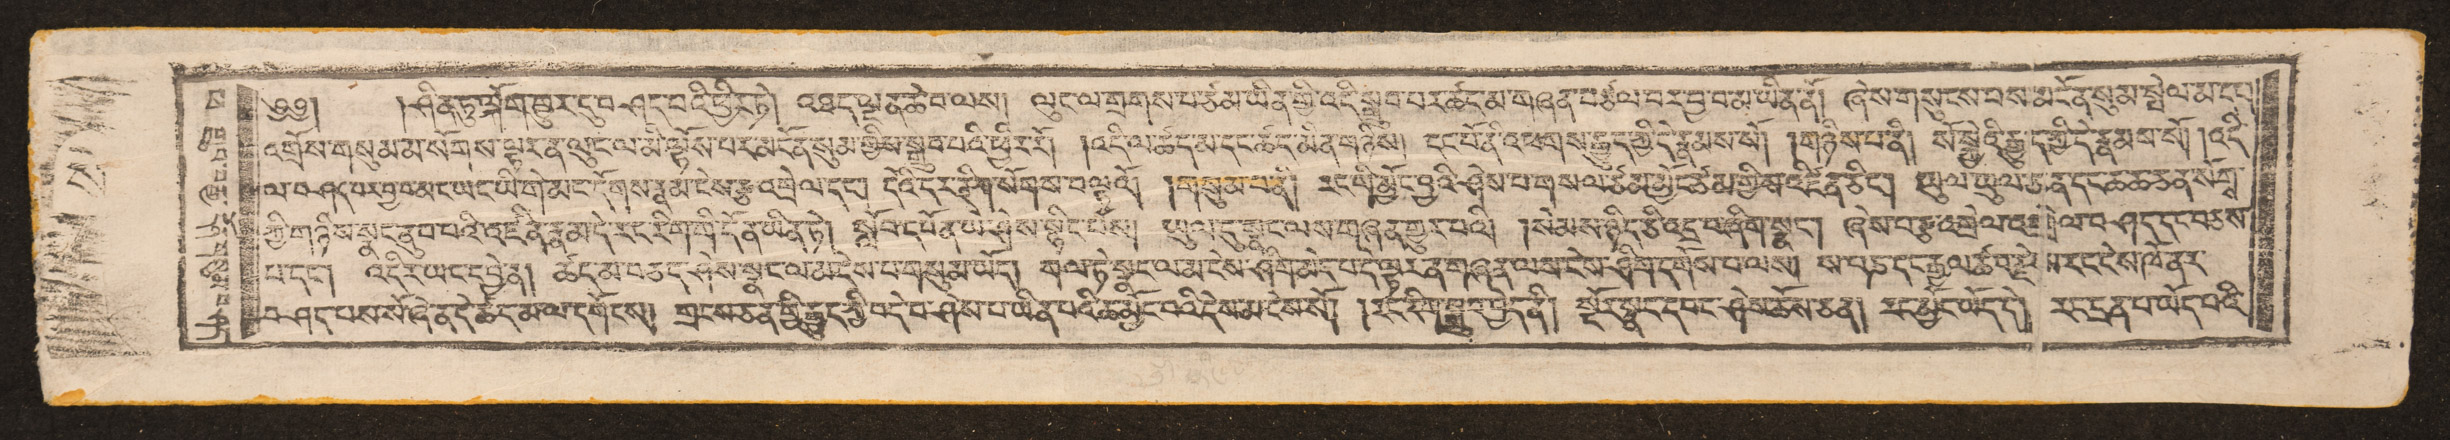༄༅། །ཤིན་ཏུ་ལྐོག་གྱུར་དུ་བཤད་པའི་ཕྱིར་ཏེ། འཐད་ལྡན་ཆེ་བ་ལས། ལུང་ལ་གྲགས་པ་ཙམ་ཡིན་གྱི་འདི་སྒྲུབ་པར་ཚང་མ་གཞན་བཙལ་བར་བྱ་བ་མ་ཡིན་ནོ། ཞེས་གསུངས་པས་མངོན་སུམ་སྤེལ་མ་དང་
འགྲོས་གསུམ་མ་སོགས་ལྟར་ན་ལུང་ལ་མི་ལྟོས་པར་མངོན་སུམ་གྱིས་སྒྲུབ་པའི་ཕྱིར་རོ། །འདི་ལ་ཚད་མ་དང་ཚད་མིན་གཉིས། དང་པོ་ནི་འཕགས་རྒྱུད་ཀྱི་དེ་རྣམས་སོ། །གཉིས་པ་ནི། སོ་སྐྱེའི་རྒྱུད་ཀྱི་དེ་རྣམས་སོ། །འདི་
ལ་བཤད་པར་བྱ་བ་མང་ཡང་ཡི་གེ་མང་དོགས་རྣམ་ངེས་རྩ་འགྲེལ་དང་། དེའི་དར་ཊིཀ་སོགས་བལྟའོ། །གསུམ་པ་ནི། རང་གི་མྱོང་བྱའི་ཤེས་པ་གསལ་ཙམ་མྱོང་ཙམ་གྱིས་འཛིན་ཅིང་། ཡུལ་ཡུལ་ཅན་དང་ཆ་ཆ་ཅན་སོགས་
ཀྱི་གཉིས་སྣང་ནུབ་པའི་འཛིན་རྣམ་དེ་རང་རིག་གི་དོན་ཡིན་ཏེ། སློབ་དཔོན་ཡེ་ཤེས་སྙིང་པོས། ཡུལ་དུ་སྣང་ལས་གཞན་གྱུར་པའི། །སེམས་ཉིད་ཅི་འདྲ་བ་ཞིག་སྣང་། ཞེས་པ་རྩ་འགྲེལ་འགྲེལ་བཤད་དང་བཅས་
པ་དང་། འདིར་ཡང་དབྱེ་ན། ཚད་མ་བཅད་ཤེས་སྣང་ལ་མ་ངེས་པ་གསུམ་ཡོད། གལ་ཏེ་སྣང་ལ་མ་ངེས་ཤིག་མེད་པ་དེ་ལྟར་ན་གཞན་ལས་ངེས་ཤིག་དགོས་བ་ལས། ས་པཎ་དང་རྒྱལ་ཚ་བ་རྗེས་རང་ངེས་ཁོ་ནར་
བཤད་པས་སོ་ཞེ་ན་དེ་ཚད་མ་ལ་དགོངས། གྲངས་ཅན་གྱི་རྒྱུད་ཀྱི་བདེ་བ་ཤེས་ས་ཡིན་པའི་ཆ་མྱོང་པའི་དེས་མ་ངེས་སོ། །རང་རིག་སྒྲུབ་བྱེད་ནི། སྔོར་སྣང་དབང་ཤེས་ཆོས་ཅན། རང་མྱོང་ཡོད་དེ། རང་དྲན་པ་ཡོད་པའི་